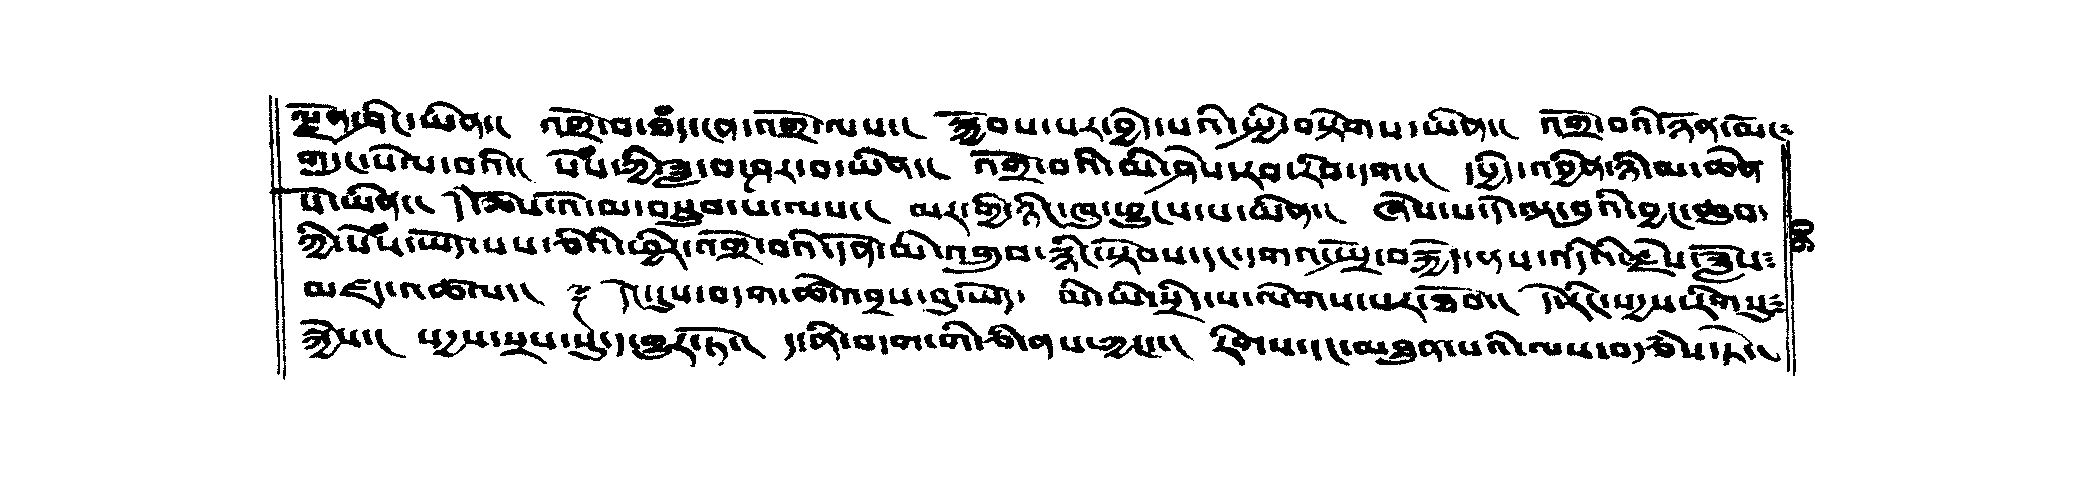ལྗོན་ཤིང་ཡིན།འགྲོ་བ་ཐམས་ཅད་ངན་འགྲོ་ལས། སྐྱོབས་པར་བྱེད་པའི་སཿཔཡི་བསྟེགས་ཡིན། འགྲོ་བའི་ཉོན་མོང་
གདུང་སེལ་བའི། སེམས་ཀྱི་ཟླ་བ་ཤར་བ་ཡིན། འགྲོ་བའི་མི་ཤེས་རབ་རིབ་དག དཔྱིད་འབྱིན་ཉི་མ་ཆེན་
པོ་ཡིན། དམ་ཆོས་འོ་མ་བསྲུབ་པ་ལ། མར་གྱི་ཉིང་ཁུ་ཕྱུངས་པ་ཡིན། ཞེས་པ་དེ་ལྟ་བུའི་བྱང་ཆུབ་
ཀྱི་སེམས་ཡོད་པས་ཅིའི་ཕྱིར་འགྲོ་བའི་དོན་མི་འགྲུབ་སྙིང་སྟོབས་དང་དགའ་སྤྲོ་བསྐྱོད་ནས། འདིའི་རྗེས་ཟློས་
མཛད་འཚལ། ༈ དེང་དུས་བདག་ཆེ་འབྲས་བུ་ཡོད། མི་ཡི་སྲིད་པ་ལེགས་པར་ཐོབ། དེ་རིང་སངས་རྒྱས་རིགས་སུ་
སྐྱེས། སངས་རྒྱས་སྲས་སུ་ད་གྱུར་ཏོ། ད་ནི་བདག་གི་ཅི་ནས་ཀྱང་། རིགས་དང་མཐུན་པའི་ལས་བརྩམས་ཏེ།